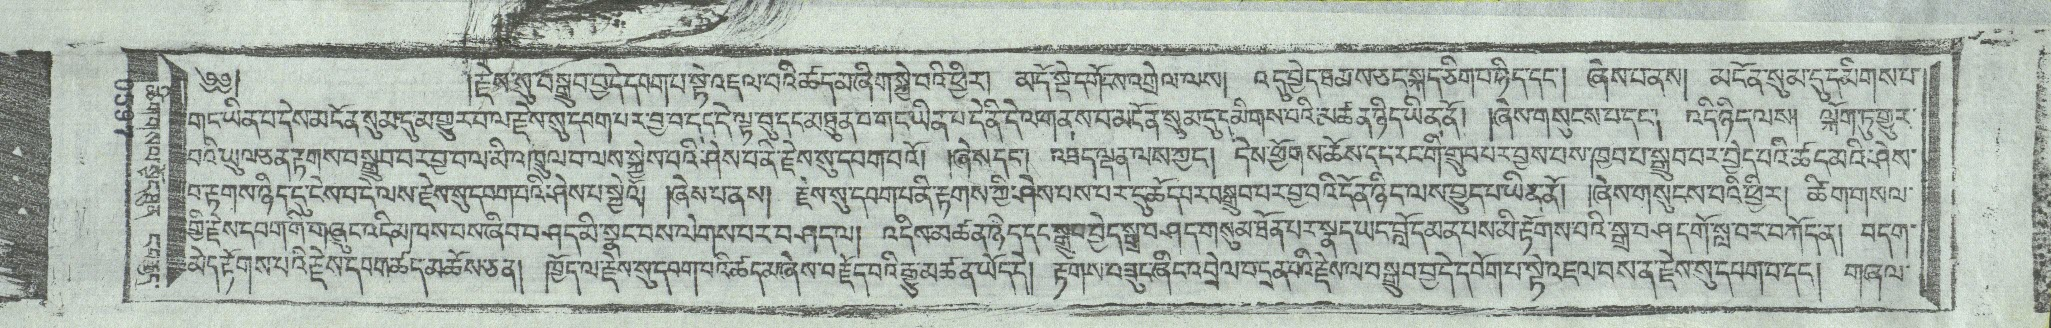༄༅། །རྗེས་སུ་བསྒྲུབ་བྱ་དེ་དཔག་པ་སྟེ་འཇལ་བའི་ཚད་མ་ཞིག་སྐྱེ་བའི་ཕྱིར། མདོ་སྡེ་དགོངས་འགྲེལ་ལས། འདུ་བྱེད་ཐམས་ཅད་སྐད་ཅིག་པ་ཉིད་དང་། ཞེས་པ་ནས། མངོན་སུམ་དུ་དམིགས་པ་
གང་ཡིན་པ་དེས་མངོན་སུམ་དུ་མ་གྱུར་བ་ལ་རྗེས་སུ་དཔག་པར་བྱ་བ་དང་དེ་ལྟ་བུ་དང་མཐུན་པ་གང་ཡིན་པ་དེ་ནི་དེ་ལ་གནས་པ་མངོན་སུམ་དུ་དམིགས་པའི་མཚན་ཉིད་ཡིན་ནོ། །ཞེས་གསུངས་པ་དང་། འདི་ཉིད་ལས། ལྐོག་ཏུ་གྱུར་
པའི་ཡུལ་ཅན་རྟགས་བསྒྲུབ་པར་བྱ་བ་ལ་མི་འཁྲུལ་བ་ལས་སྐྱེས་པའི་ཤེས་པ་ནི་རྗེས་སུ་དཔག་པའོ། །ཞེས་དང་། འཐད་ལྡན་ལས་ཀྱང་། དེས་ཕྱོགས་ཆོས་དང་རང་གི་གྲུབ་པར་བྱས་པས་ཁྱབ་པ་སྒྲུབ་པར་བྱེད་པའི་ཚད་མའི་ཤེས་
པ་རྟགས་ཉིད་དུ་ངེས་པ་དེ་ལས་རྗེས་སུ་དཔག་པའི་ཤེས་པ་སྐྱེའོ། །ཞེས་པ་ནས། རྗེས་སུ་དཔག་པ་ནི་རྟག་ཀྱི་ཤེས་པས་བར་དུ་ཆོད་པར་བསྒྲུབ་པར་བྱ་བའི་དོན་ཉིད་ལས་བྱུང་བ་ཡིན་ནོ། །ཞེས་གསུངས་པའི་ཕྱིར། ཚིག་གསལ་
གྱི་རྗེས་དཔག་གི་གཞུང་འདི་མཁས་པས་ཞི་བ་བཤད་མི་སྣང་བས་ལེགས་པར་བཤད་ལ། འདིས་མཚན་ཉིད་དང་སྒྲུབ་བྱེད་སྒྲ་བཤད་གསུམ་ཐོན་པར་སྣང་ཡང་བློ་དམན་པས་མི་རྟོགས་པའི་སྒྲ་བཤད་གོ་སླ་བར་བཀོད་ན། བདག་
མེད་རྟོགས་པའི་རྗེས་དཔག་ཚད་མ་ཆོས་ཅན། ཁྱོད་ལ་རྗེས་སུ་དཔག་པའི་ཚད་མ་ཞེས་བརྗོད་པའི་རྒྱུ་མཚན་ཡོད་དེ། རྟགས་བཟུང་ཞིང་འབྲེལ་བ་དྲན་པའི་རྗེས་ལ་བསྒྲུབ་བྱ་དེ་དཔོག་པ་སྟེ་འཇལ་བས་ན་རྗེས་སུ་དཔག་པ་དང་། གཞལ་